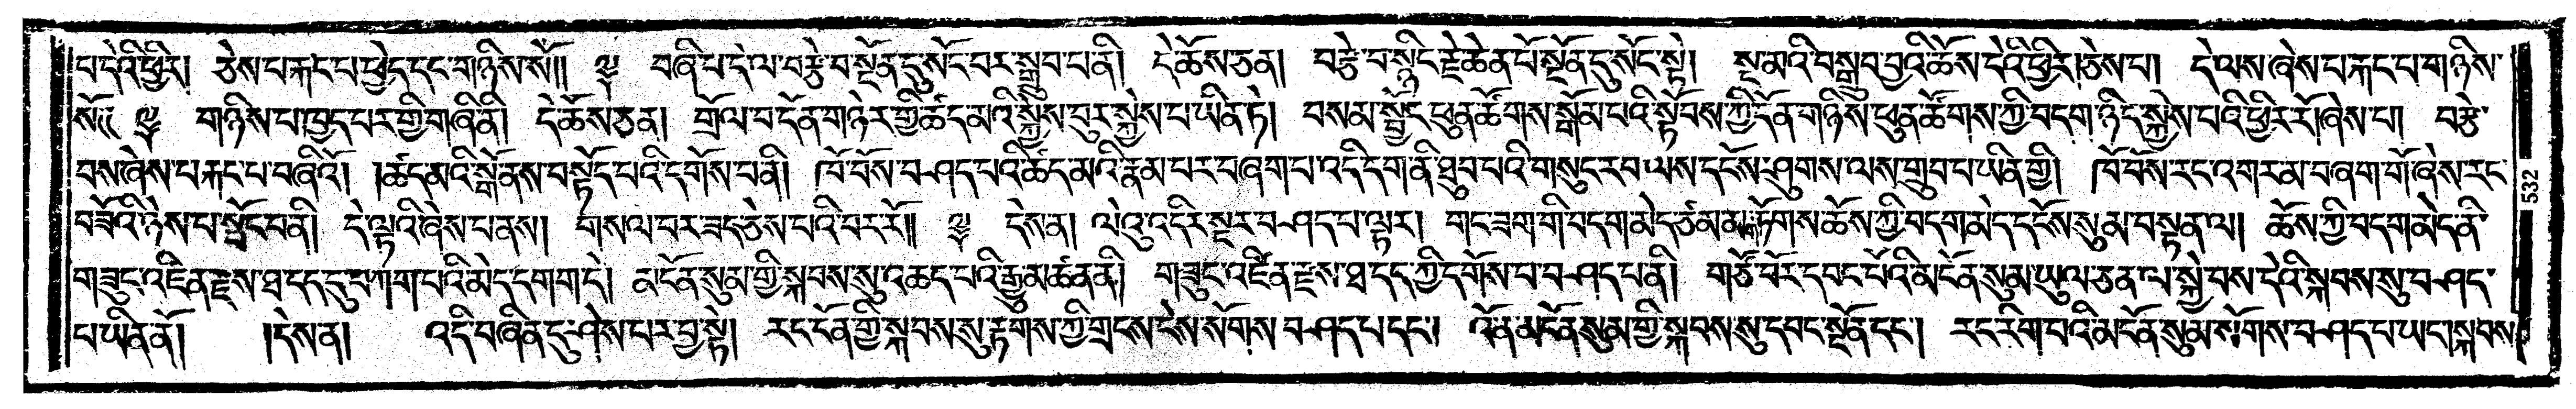པ་དེའི་ཕྱིར། ཅེས་པ་རྐང་པ་ཕྱེད་དང་གཉིས་སོ།། ༈ བཞི་པ་དེ་ལ་བརྩེ་བ་སྔོན་དུ་སོང་བར་སྒྲུབ་པ་ནི། དེ་ཆོས་ཅན། བརྩེ་བ་སྙིང་རྗེ་ཆེན་པོ་སྔོན་དུ་སོང་སྟེ། སྔ་མའི་བསྒྲུབ་བྱའི་ཆོས་དེའི་ཕྱིར། ཅེས་པ། དེ་ལས་ཞེས་པ་རྐང་པ་གཉིས་
སོ།། ༈ གཉིས་པ་ཁྱད་པར་གྱི་གཞི་ནི། དེ་ཆོས་ཅན། གྲོལ་བ་དོན་གཉེར་གྱི་ཚད་མའི་སྐྱེས་བུར་སྐྱེས་པ་ཡིན་ཏེ། བསམ་སྦྱོང་ཕུན་ཚོགས་སྒོམ་པའི་སྟོབས་ཀྱི་དོན་གཉིས་ཕུན་ཚོགས་ཀྱི་བདག་ཉིད་སྐྱེས་པའི་ཕྱིར་རོ། ཞེས་པ། བརྩེ་
བས་ཞེས་པ་རྐང་པ་བཞིའོ། །ཚད་མའི་སྒོ་ནས་བསྟོད་པའི་དགོས་པ་ནི། ཁོ་བོས་བཤད་པའི་ཚད་མའི་རྣམ་པར་བཞག་པ་འདི་དག་ནི་ཐུབ་པའི་གསུང་རབ་ལས་དངོས་ཤུགས་ལས་གྲུབ་པ་ཡིན་གྱི། ཁོ་བོས་རང་འགར་མ་བཞག་གོ་ཞེས་རང་
བཟོའི་ཉེས་པ་སྤོང་བ་ནི། དེ་ལྟའི་ཞེས་པ་ནས། གསལ་བར་ཟད་ཅེས་པའི་བར་རོ།། ༈ དེས་ན། ལེའུ་འདིར་སྔར་བཤད་པ་ལྟར། གང་ཟག་གི་བདག་མེད་ཙམ་མ་གཏོགས་ཆོས་ཀྱི་བདག་མེད་དངོས་སུ་མ་བསྟན་ལ། ཆོས་ཀྱི་བདག་མེད་ནི་
གཟུང་འཛིན་རྫས་ཐ་དད་དུ་བཀག་པའི་མེད་དགག་དེ། མངོན་སུམ་གྱི་སྐབས་སུ་འཆད་པའི་རྒྱུ་མཚན་ནི། གཟུང་འཛིན་རྫས་ཐ་དད་ཀྱི་དགོས་པ་བཤད་པ་ནི། གཙོ་བོར་དབང་པོའི་མངོན་སུམ་ཡུལ་ཅན་ལ་སྐྱེ་བས་དེའི་སྐབས་སུ་བཤད་
པ་ཡིན་ནོ། །དེས་ན། འདི་བཞིན་དུ་ཤེས་པར་བྱ་སྟེ། རང་དོན་གྱི་སྐབས་སུ་རྟགས་ཀྱི་གྲངས་ངེས་སོགས་བཤད་པ་དང་། འོ་ན་མངོན་སུམ་གྱི་སྐབས་སུ་དབང་སྔོན་དང་། རང་རིག་པའི་མངོན་སུམ་སོགས་བཤད་པ་ཡང་། སྐབས་